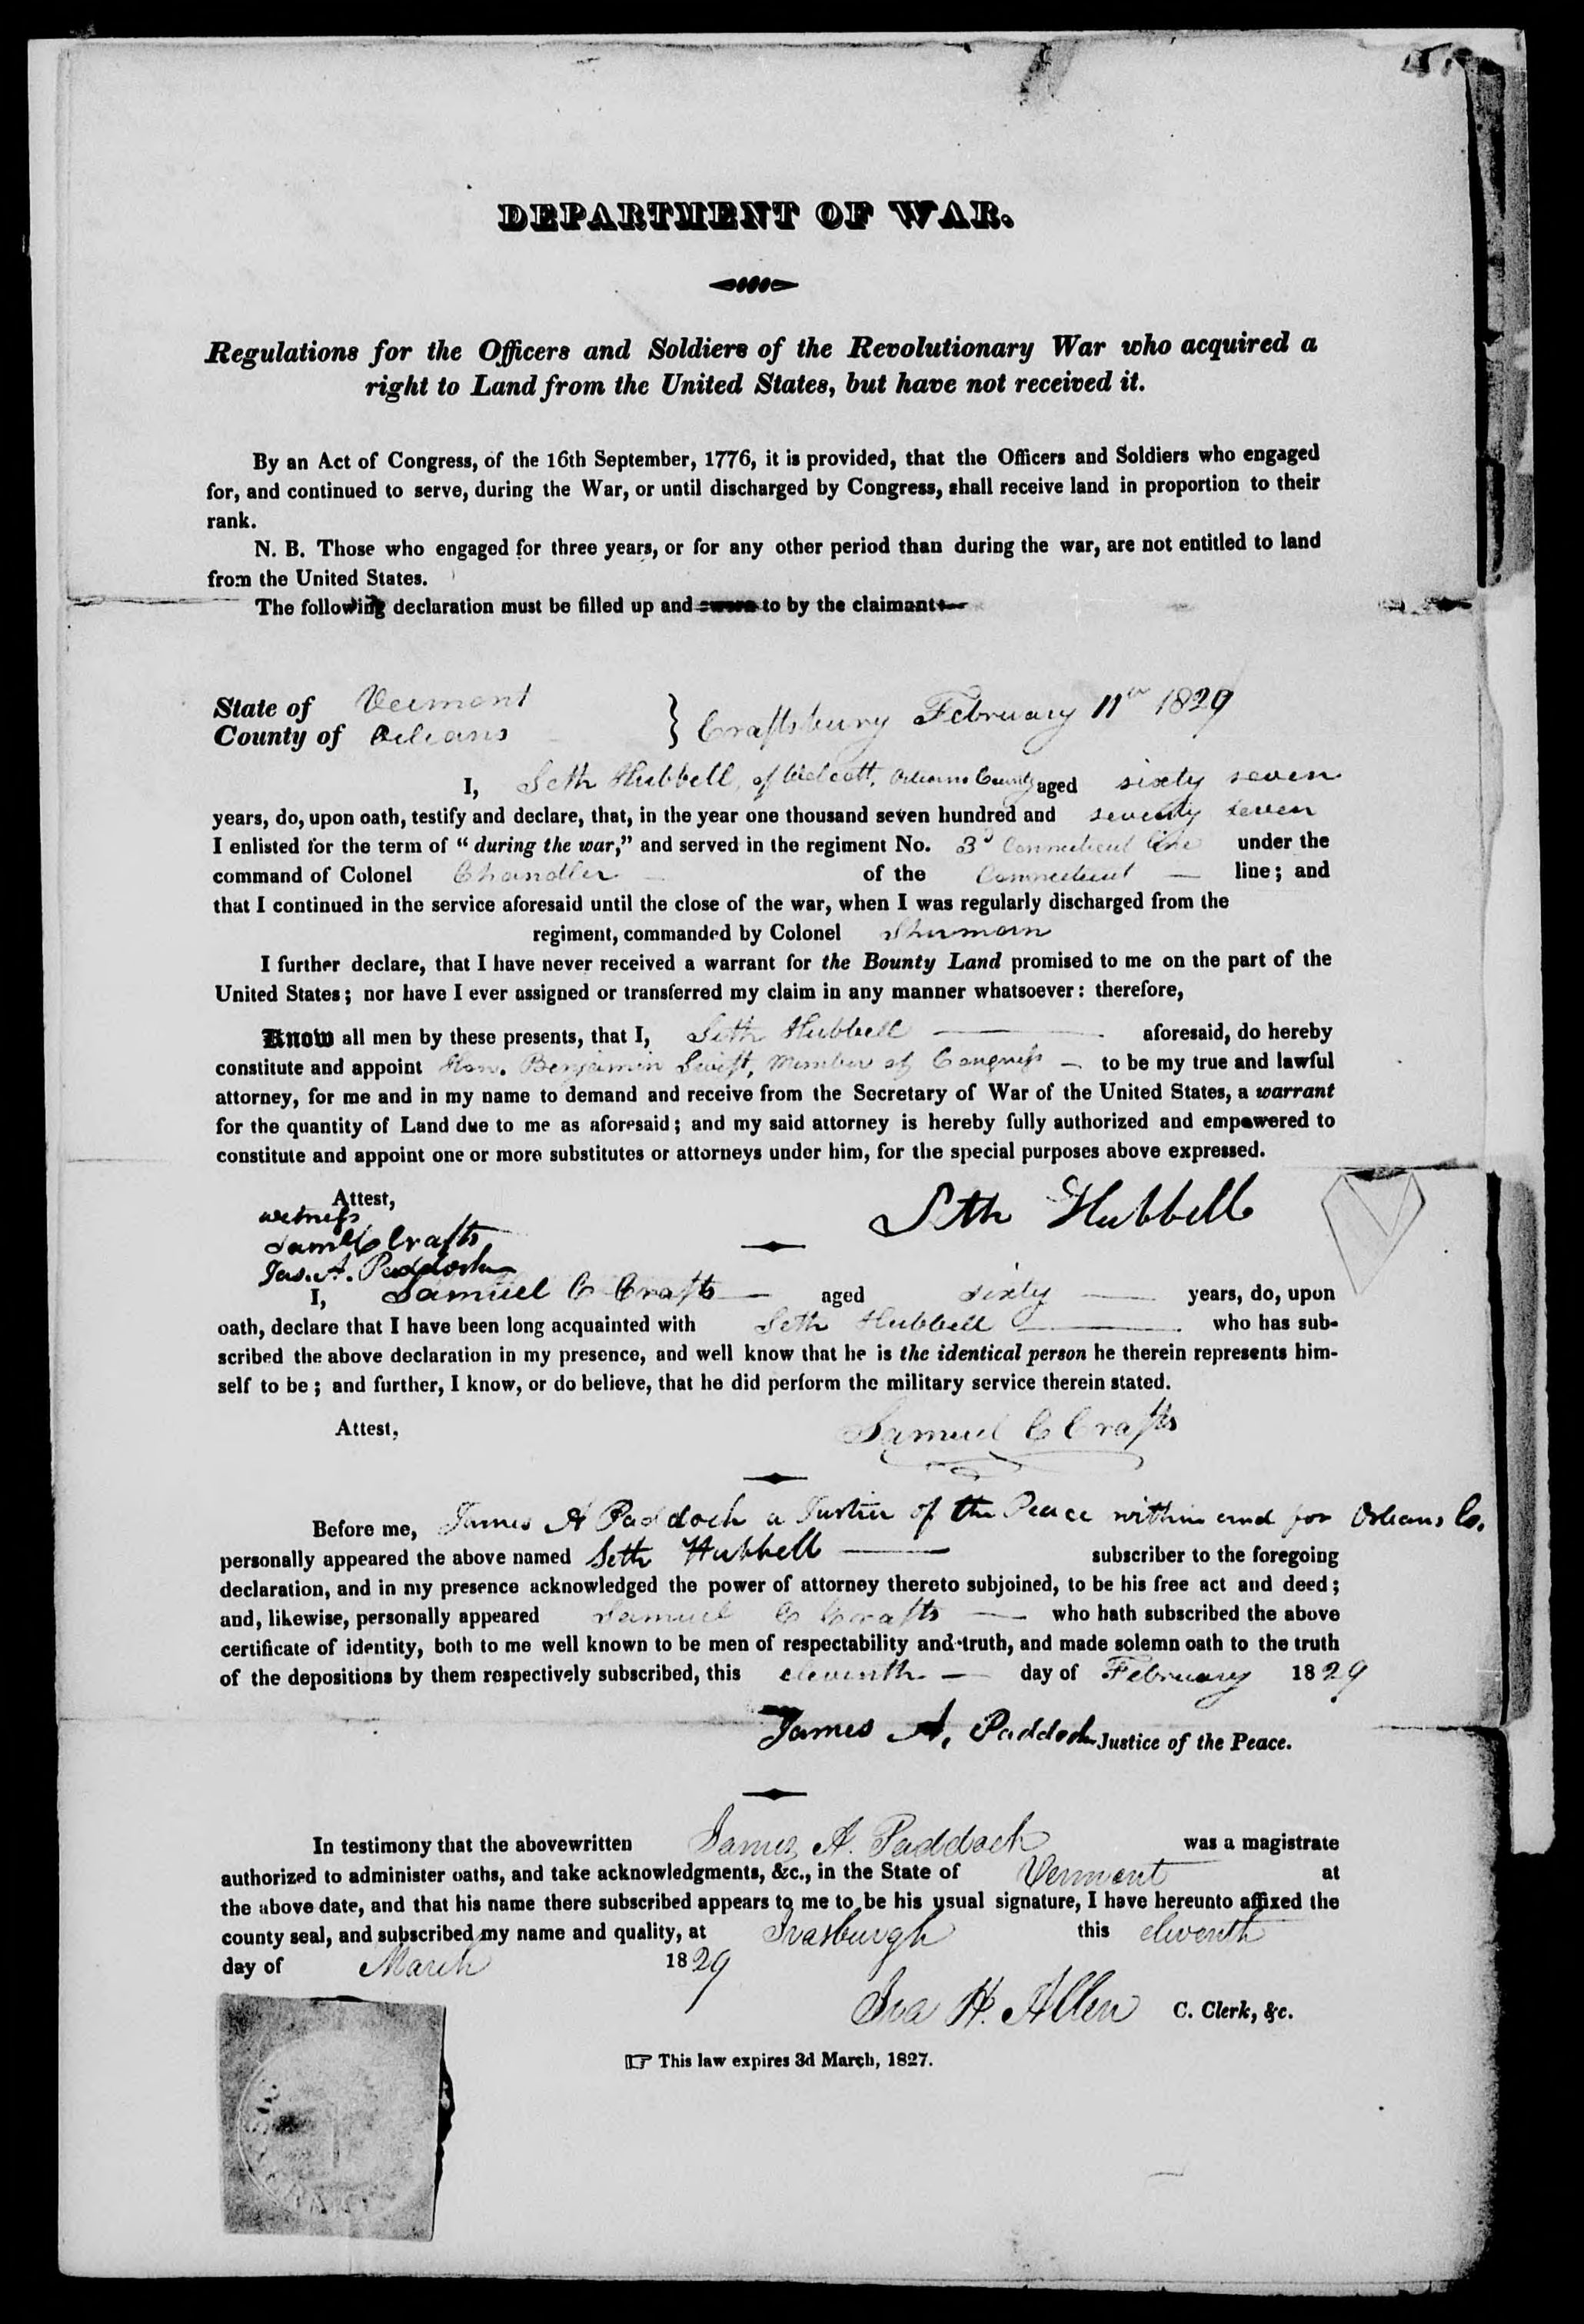DEPARTMENT OF WAR

Regulations for the Officers and Soldiers of the Revolutionary War who acquired a right to Land from the United States, but have not received it.

By an Act of Congress, of the 16th September, 1776, it is provided, that the Officers and Soldiers who engaged for, and continued to serve, during the War, or until discharged by Congress, shall receive land in proportion to their rank.

N. B. Those who engaged for three years, or for any other period than during the war, are not entitled to land from the United States.
The following declaration must be filled up and swore to by the claimant.

State of Vermont
County of Orleans
Craftsbury February 11th 1829

I, Seth Hubbell of Wolcott, Orleans County aged sixty seven years, do, upon oath, testify and declare, that, in the year one thousand seven hundred and seventy seven I enlisted for the term of "during the war," and served in the regiment No. 3rd Connecticut Line under the command of Colonel Chandler of the Connecticut line; and that I continued in the service aforesaid until the close of the war, when I was regularly discharged from the regiment, commanded by Colonel Sherman

I further declare, that I have never received a warrant for the Bounty Land promised to me on the part of the United States; nor have I ever assigned or transferred my claim in any manner whatsoever: therefore,

Know all men by these presents, that I, Seth Hubbell aforesaid, do hereby constitute and appoint Hon. Benjamin Swift, Member of Congress to be my true and lawful attorney, for me in my name to demand and receive from the Secretary of War of the United States, a warrant for the quantity of Land due to me as aforesaid; and my said attorney is hereby fully authorized and empowered to constitute and appoint one or more substitutes or attorneys under him, for the special purposes above expressed.

Attest, Seth Hubbell
Witness
Saml C Crafts
Jas. A Paddock

I, Samuel C Crafts aged sixty years, do, upon oath, declare that I have been long acquainted with Seth Hubbell who has subscribed the above declaration in my presence, and well know that he is the identical person he therein represent himself to be; and further, I know, or do believe, that he did perform the military service therein stated.

Attest, Samuel C Crafts

Before me, James A Paddock a Justice of the Peach within and for Orleans Co. personally appeared the above named Seth Hubbell subscriber to the foregoing declaration, and in my presence acknowledged the power of attorney thereto subjoined, to be his free act and deed; and likewise, personally appeared Samuel C Crafts who hath subscribed the above certificate of identity, both to me well known to be men of respectability and truth, and made solemn oath to the truth of the depositions by them respectively subscribed, this eleventh day of February 1829
James A Paddock  Justice of the Peace.

In testimony that the abovewritten James A Paddock was a magistrate authorized to administer oaths, and take acknowledgements, &c., in the State of Vermont at the above date, and that his name there subscribed appears to me to be his usual signature, I have hereunto affixed the county seal, and subscribed my name and quality, at Irasburgh this eleventh day of March 1829
Ira H. Allen C. Clerk, &c.

This law expires 3d March, 1827

Note: A round stamp has been covered.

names: Benjamin Swift, Seth Hubbell, Sherman, Ira H Allen, Saml C Crafts, Jas A Paddock, Chandler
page: 112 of 114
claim: widow's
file: W. 2115, Seth Hubbell, Conn.